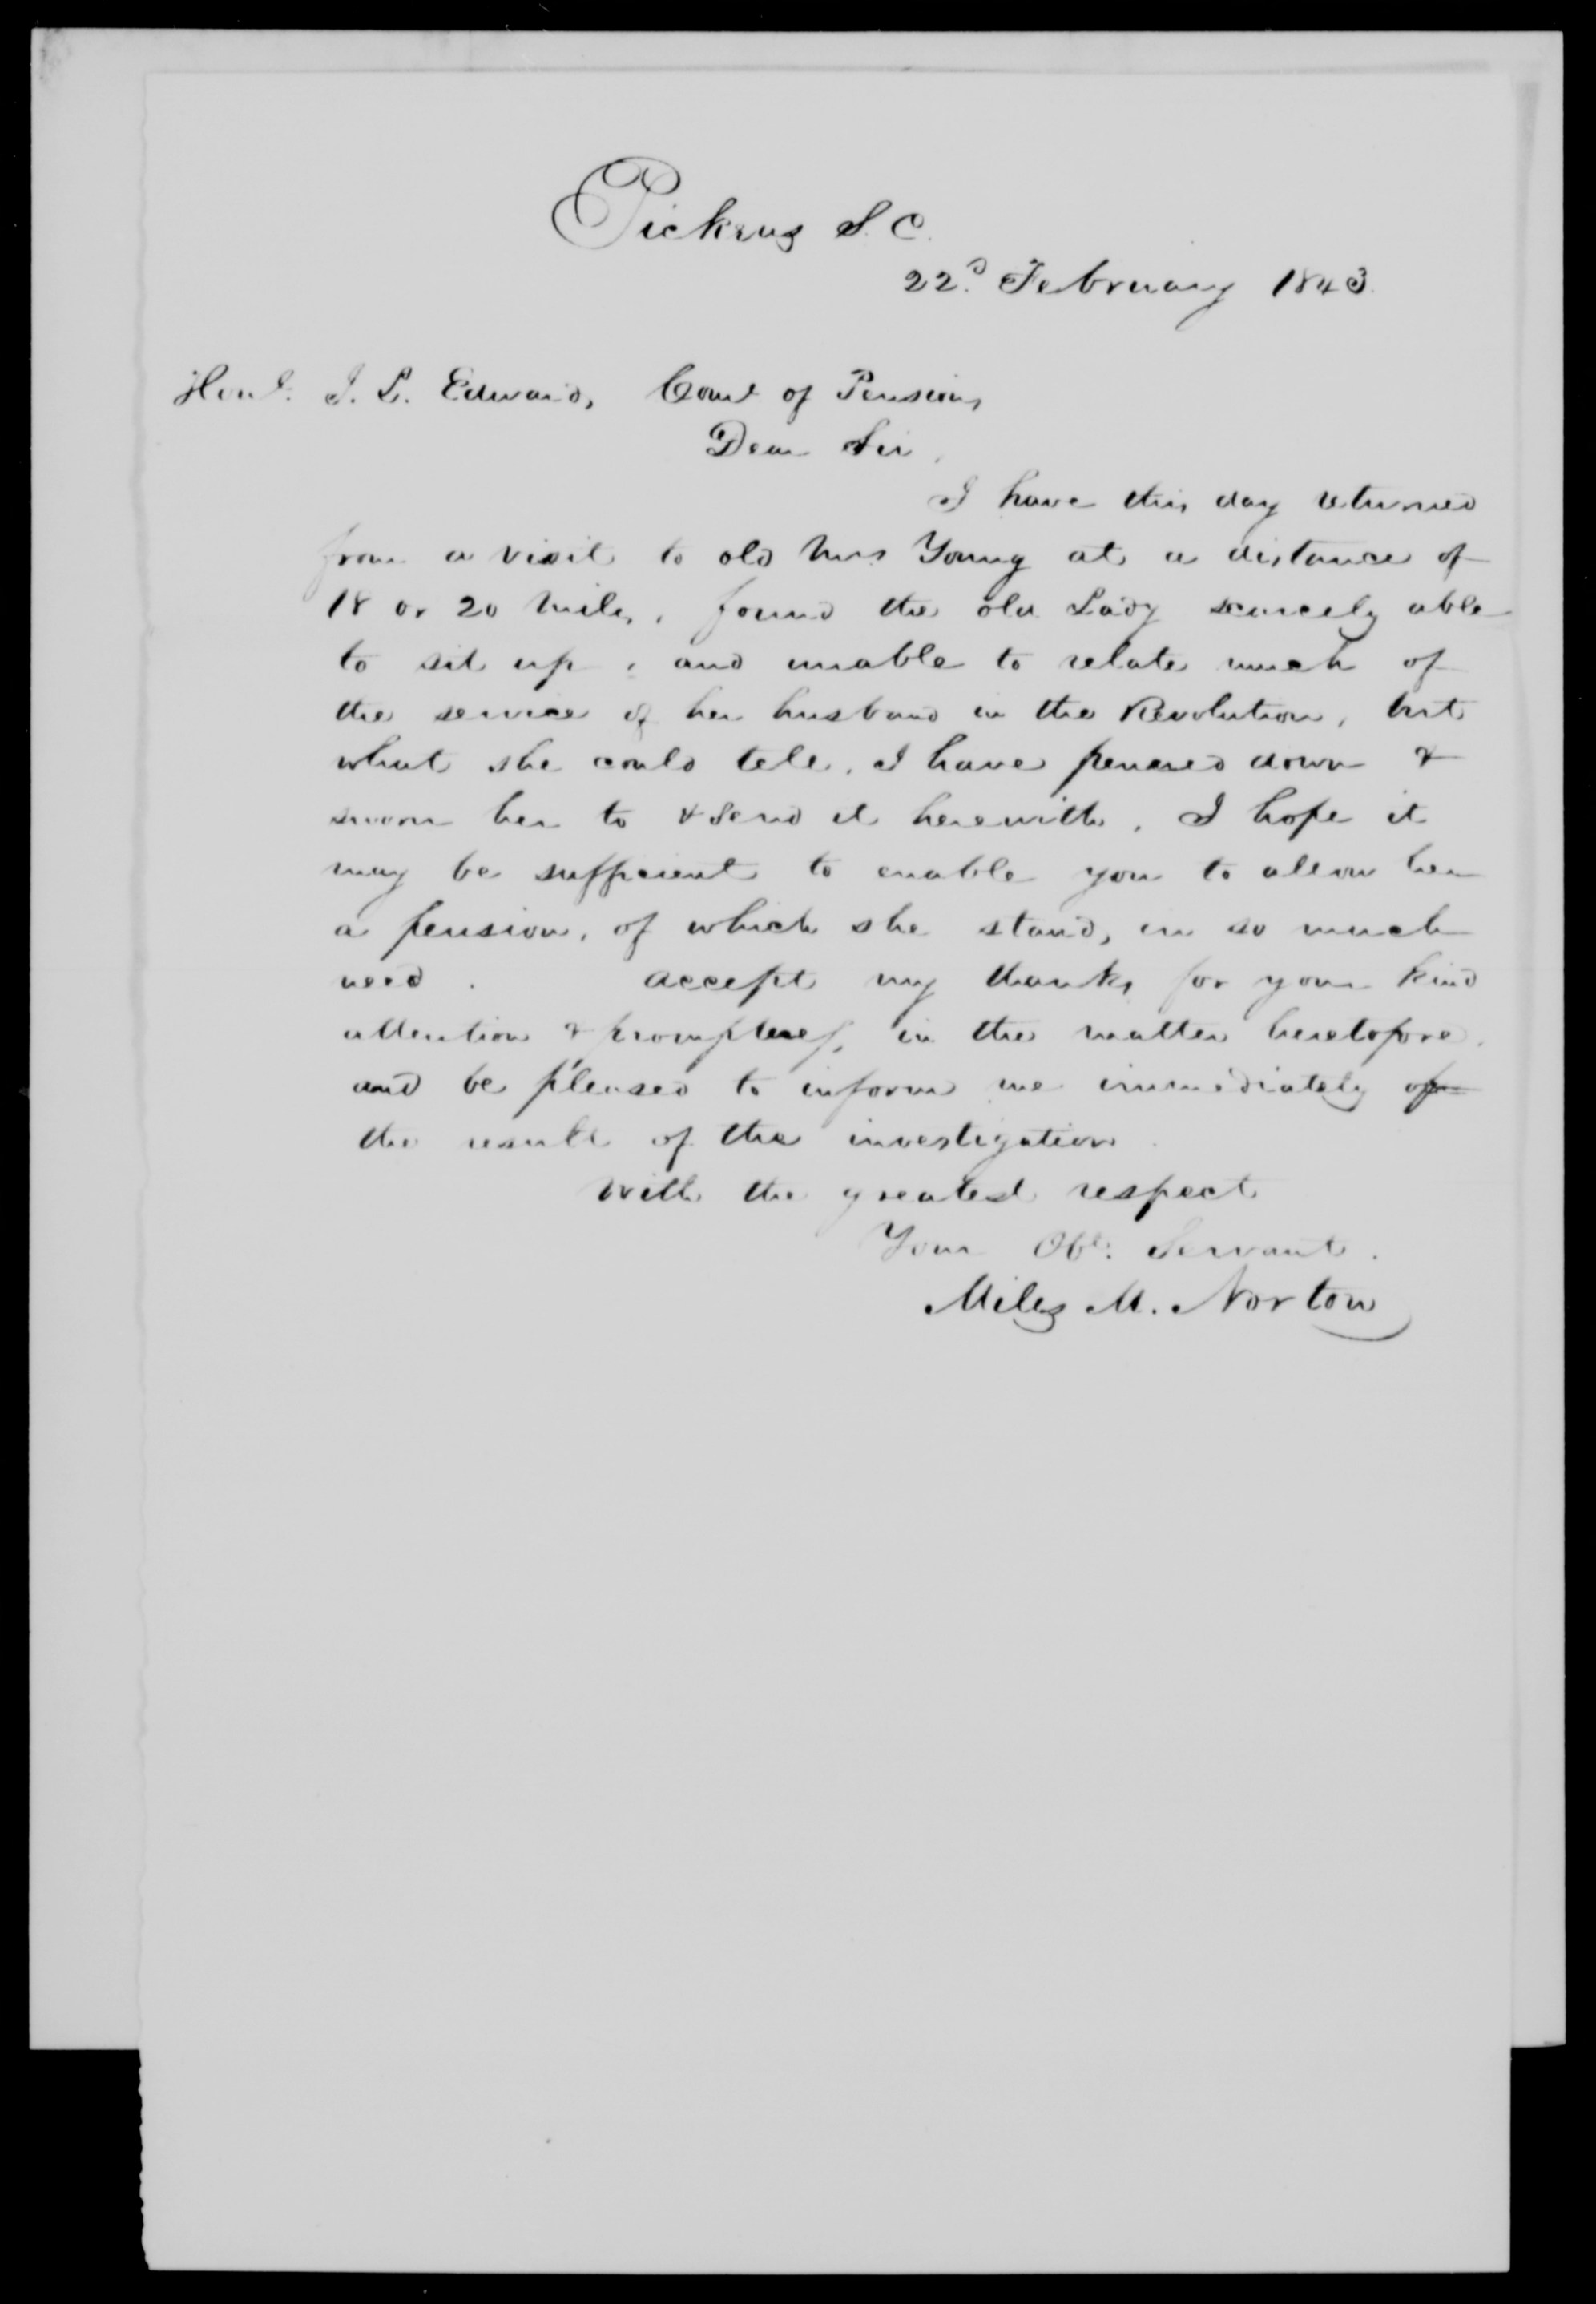Pickens, S.C. [South Carolina]
22d February 1846

Honl. [Honorable] J. [James] L. Edwards Com [Commissioner] of Pensions

Dear Sir,
     I have this day returned
from a visit to old Mrs. Young at a distance of
18 or 20 miles, found the old Lady scarcely able
to sit up, and unable to relate much of
the service of her husband in the Revolution, but
what she could tell, I have (?) down +
sworn her to + send it herewith.  I hope it
may be sufficient to enable  you to allow her
a pension, of which she stands in so much
need.  accept (sic Accept) my thanks for your kind
attention + promptness, in the matter heretofore,
and be pleased to inform me immidiatly (sic immediately) of
the result of the investigation

With the greatest respect,
Your Obt. [Obedient] Servant.
Miles M. Norton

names: Miles M Norton, J L Edwards, Young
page: 36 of 56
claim: widow's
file: W. 9040, Levi Young, Ga. New Jersey S.C.